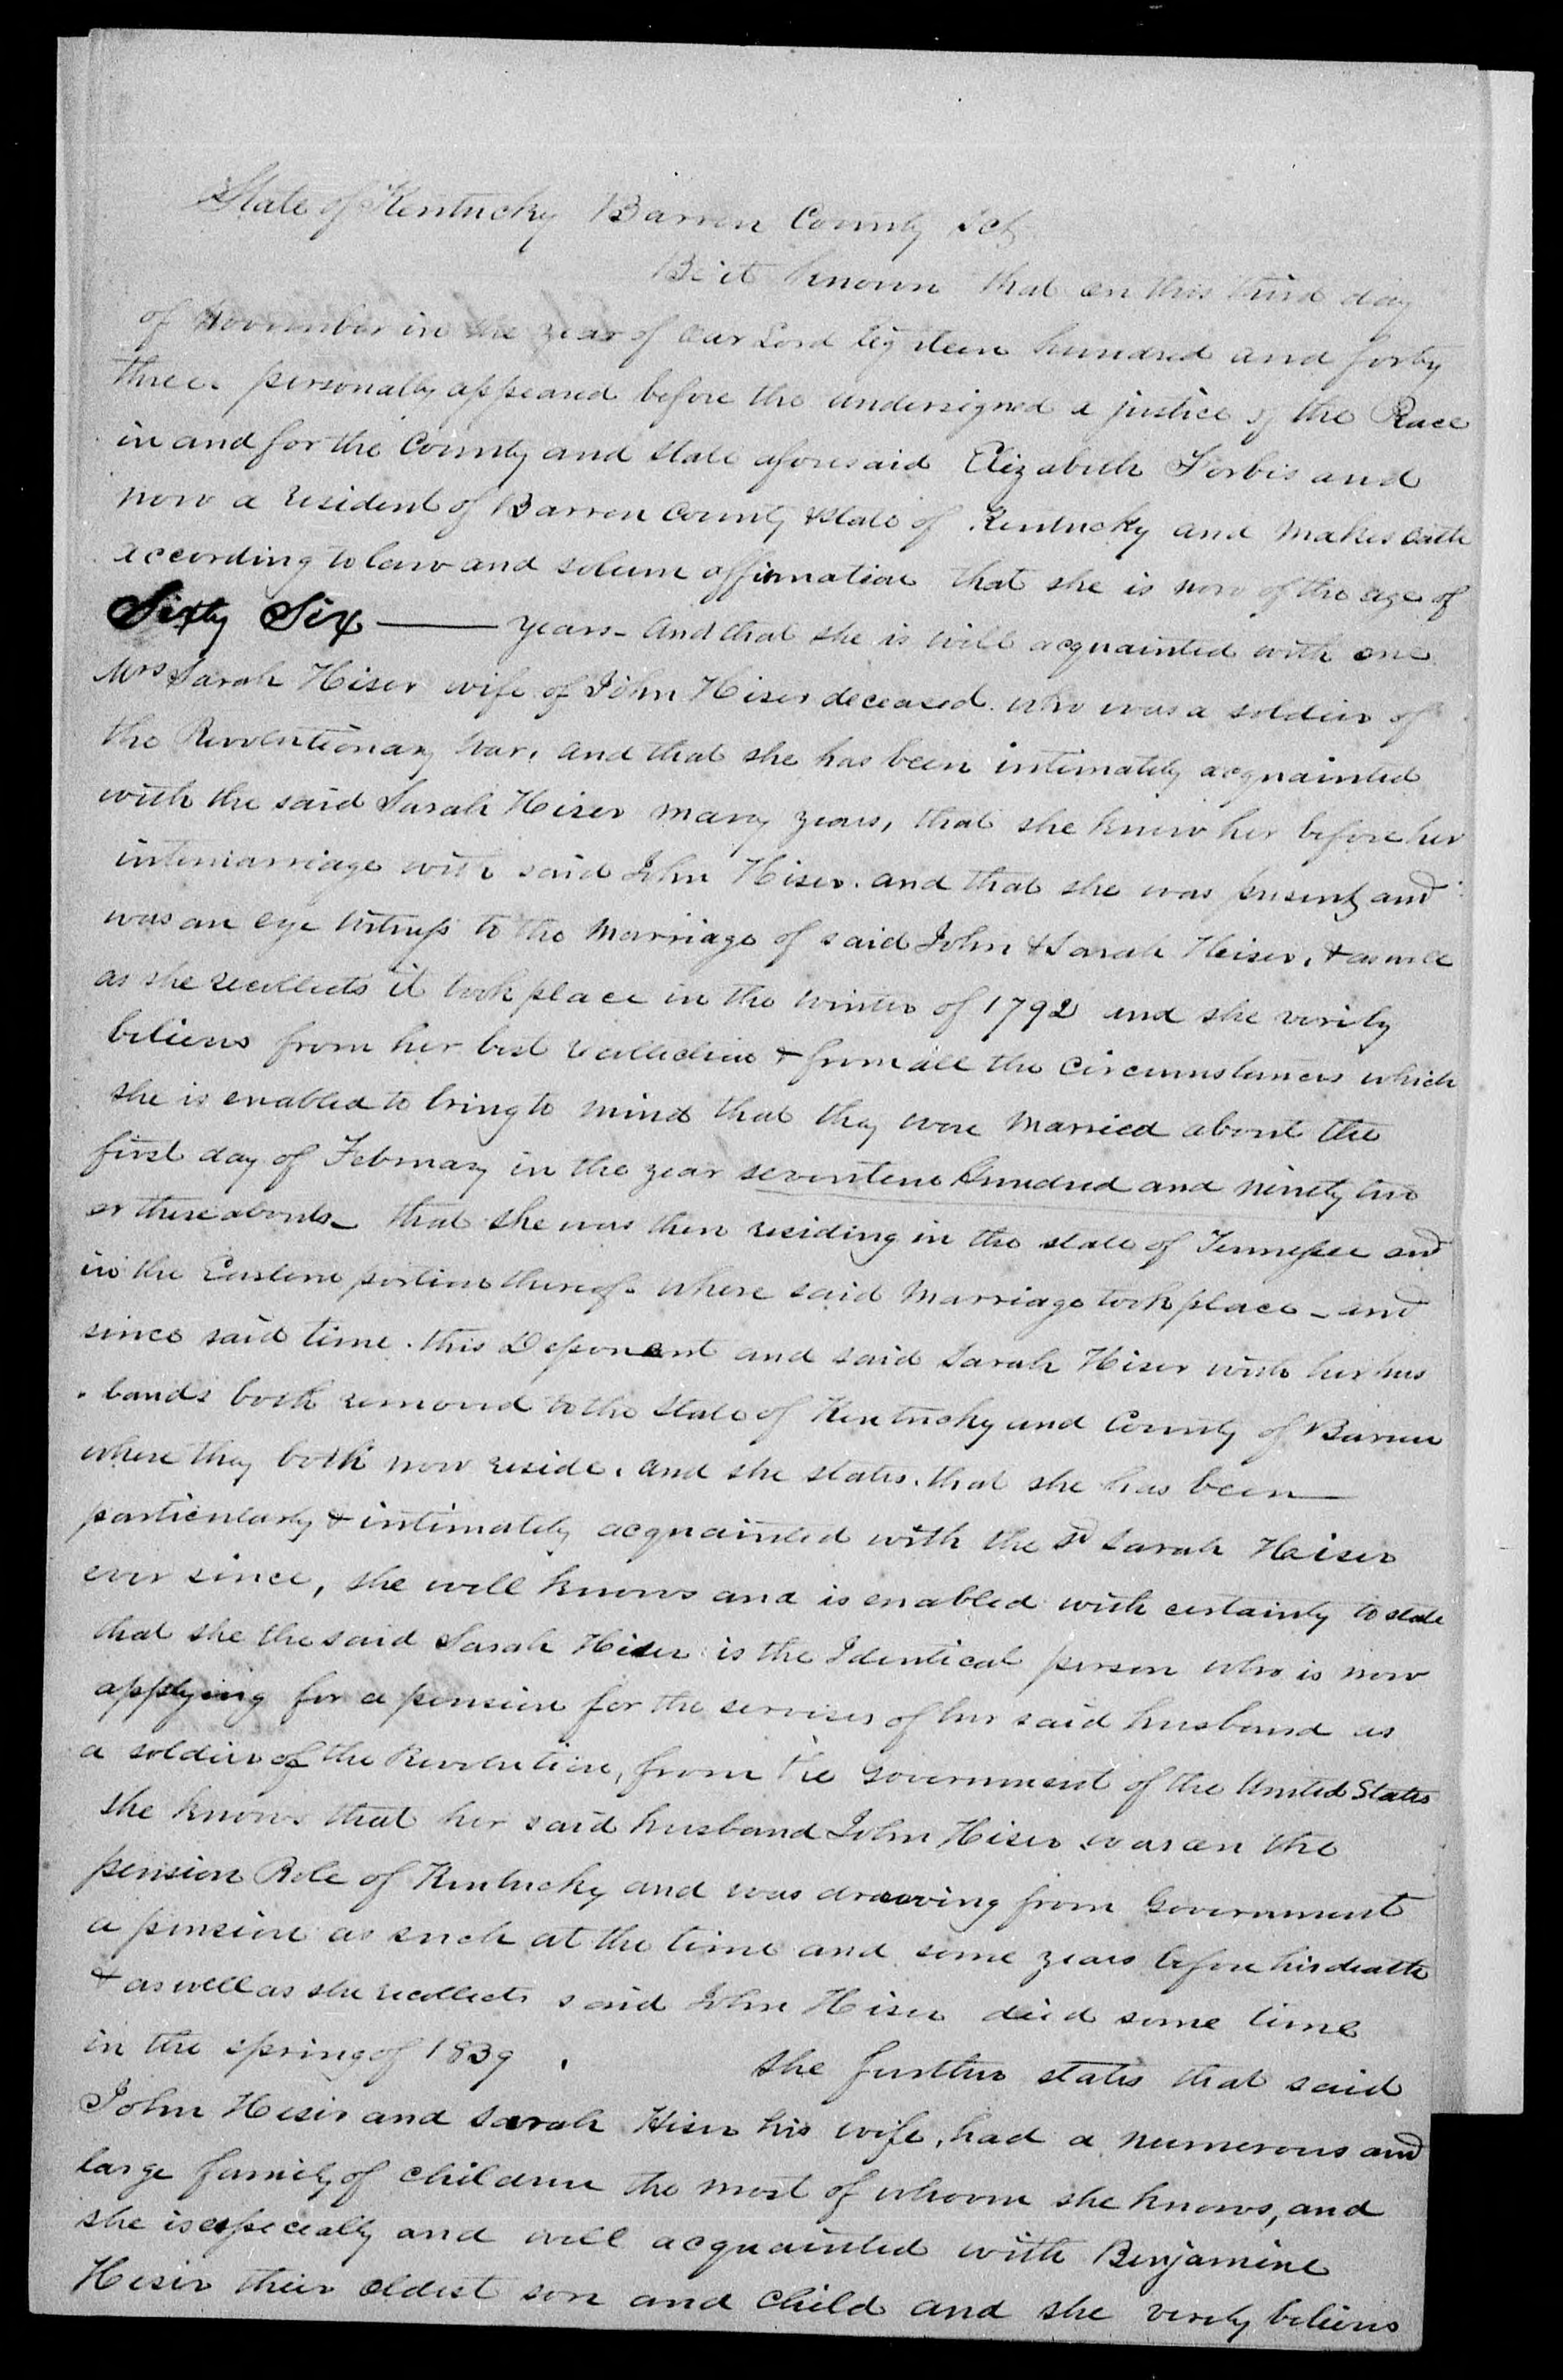State of Kentucky Barren County [illegible]
Be it known that on this third day of November the year of our Lord Eighteen hundred and forty ;thee personally appeared before the undersigned a justice of the Peace in and for the county and state aforesaid Eizabeth Forbis and now a resident of Barren County state of Kentucky and makes with according to law and solemn affirmation that she is now the age of Sixty Six years. And that she is well acquainted with one Mrs. Sarah Hiser wife o John Hiser deceased who was a soldier of the Revolutionary War, and that she has been intimately acquainted the the said Sarah Hiser many years, that she knew her before her intermarriage with said John Hiser and that she was  present  and an eyewitness to the marriage of said John  and Sarah  Hiser, and as well as she  recollects it   took place in the winter of 1792 and he verily believes from her best recollections and from all the circumstances which she is enabled to bring to mind that they were married about the fist day of February in the year seventeen hundred and ninety two or there abouts that she was then residing in  the state of Tennessee and in the Eastern portion thereof when sad i marriage took place-and since said time.  This Despondent  and said Sarah Hiser with her  [illegible] land both moved to the state of Kentucky and County of Barren where they both now reside, an she states that she has been particularly and intimately acquainted with the said Sarah Hiser ever since, she well knows and is enabled  with certainly to state that she the said Sarah Hiser is the identical person who is now applying for a pension for the services of the said husband as a soldier of the Revolution, from the government a pension as such at the time and some years before his death and as well as she recollect said John Hiser died some time in the spring of 1839,  She further states that said John His an Sarah Hiser his wife, had a numerous and large family of children the most of whom she knows, and she is especially and well acquainted with Benjamin Hiser their oldest son and child and she verily believes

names: Sarah Hiser, Sarah Hiser, Sarah Hiser, Elizabeth Forbis, Sarah Hiser, John Hiser, Sarah Hiser, John Hiser, Benjamin Hiser, John Hiser, John Hiser, John Hiser, Sarah Hiser, John Hiser, Sarah Hiser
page: 52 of 58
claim: widow's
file: W. 8932, John Hiser, Penn.